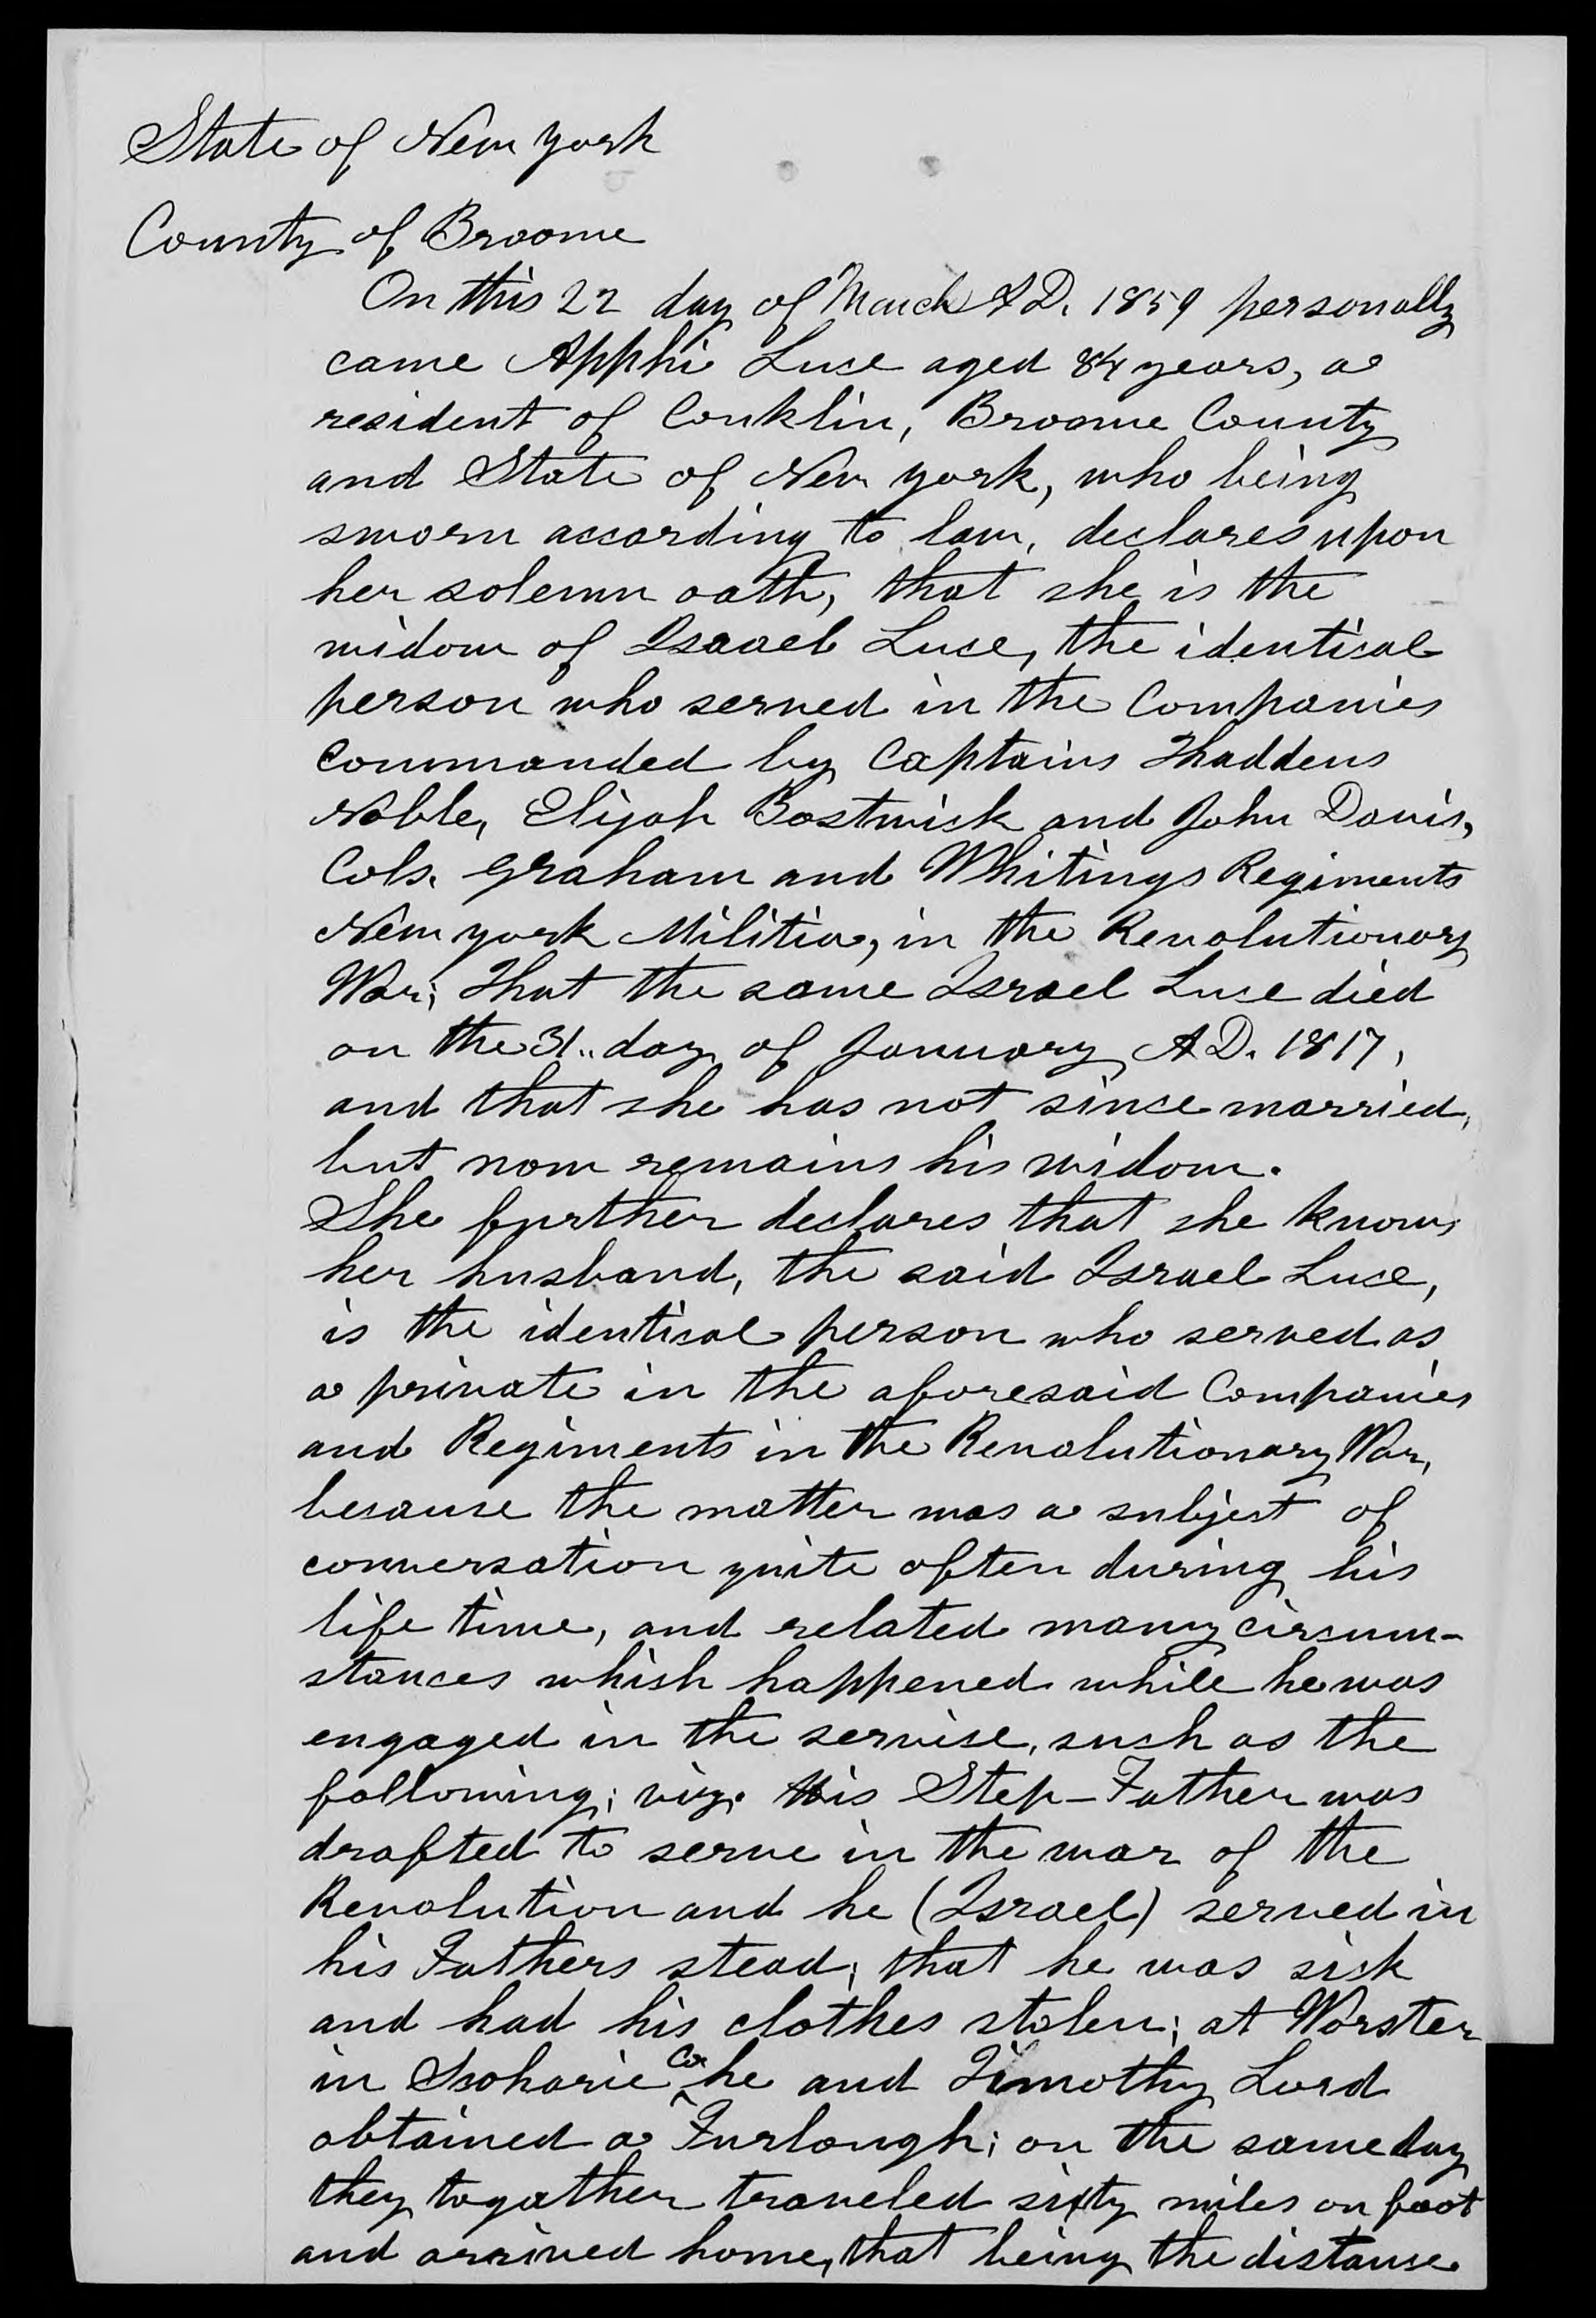State of New York
County of Broome

On this 22 day of March AD. 1859 personally came Apphi Luce aged 84 years a resident of Conklin, Broome County and State of New York, who being sworn according to law, declares upon her solemn oath, that she is the widow of Israel Luce, the identical person who served in the Companies commanded by Captains Thaddeus Noble, Elijah Bostwick and John Davis, Cols. Graham and Whitings Regiments New York Militia, in the Revolutionary War, that the same Israel Luce died on the 31. day of January AD. 1817, and that she has not since married, but now remains his widow.
She further declares that she knows her husband, the said Israel Luce, is the identical person who served as a private in the aforesaid Companies and Regiments in the Revolutionary War because the matter was a subject of conversation quite often during his life time, and related many circumstances which happened while he was engaged in the service, such as the following; viz. His Step-Father was drafted to serve in the war of the Revolution and he (Israel) served in his Fathers stead, that he was sick and had his clothes stolen; at Worster in Schoharie Co. he and Timothy Lord obtained a furlough; on the same day they together traveled sixty miles on foot and arrived home, that being the distance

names: Thaddeus Noble; Timothy Lord; Israel Luce; Apphi Luce; John Davis; Elijah Bostwick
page: 3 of 70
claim: rejected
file: R. 6510, for Israel Luce, New York